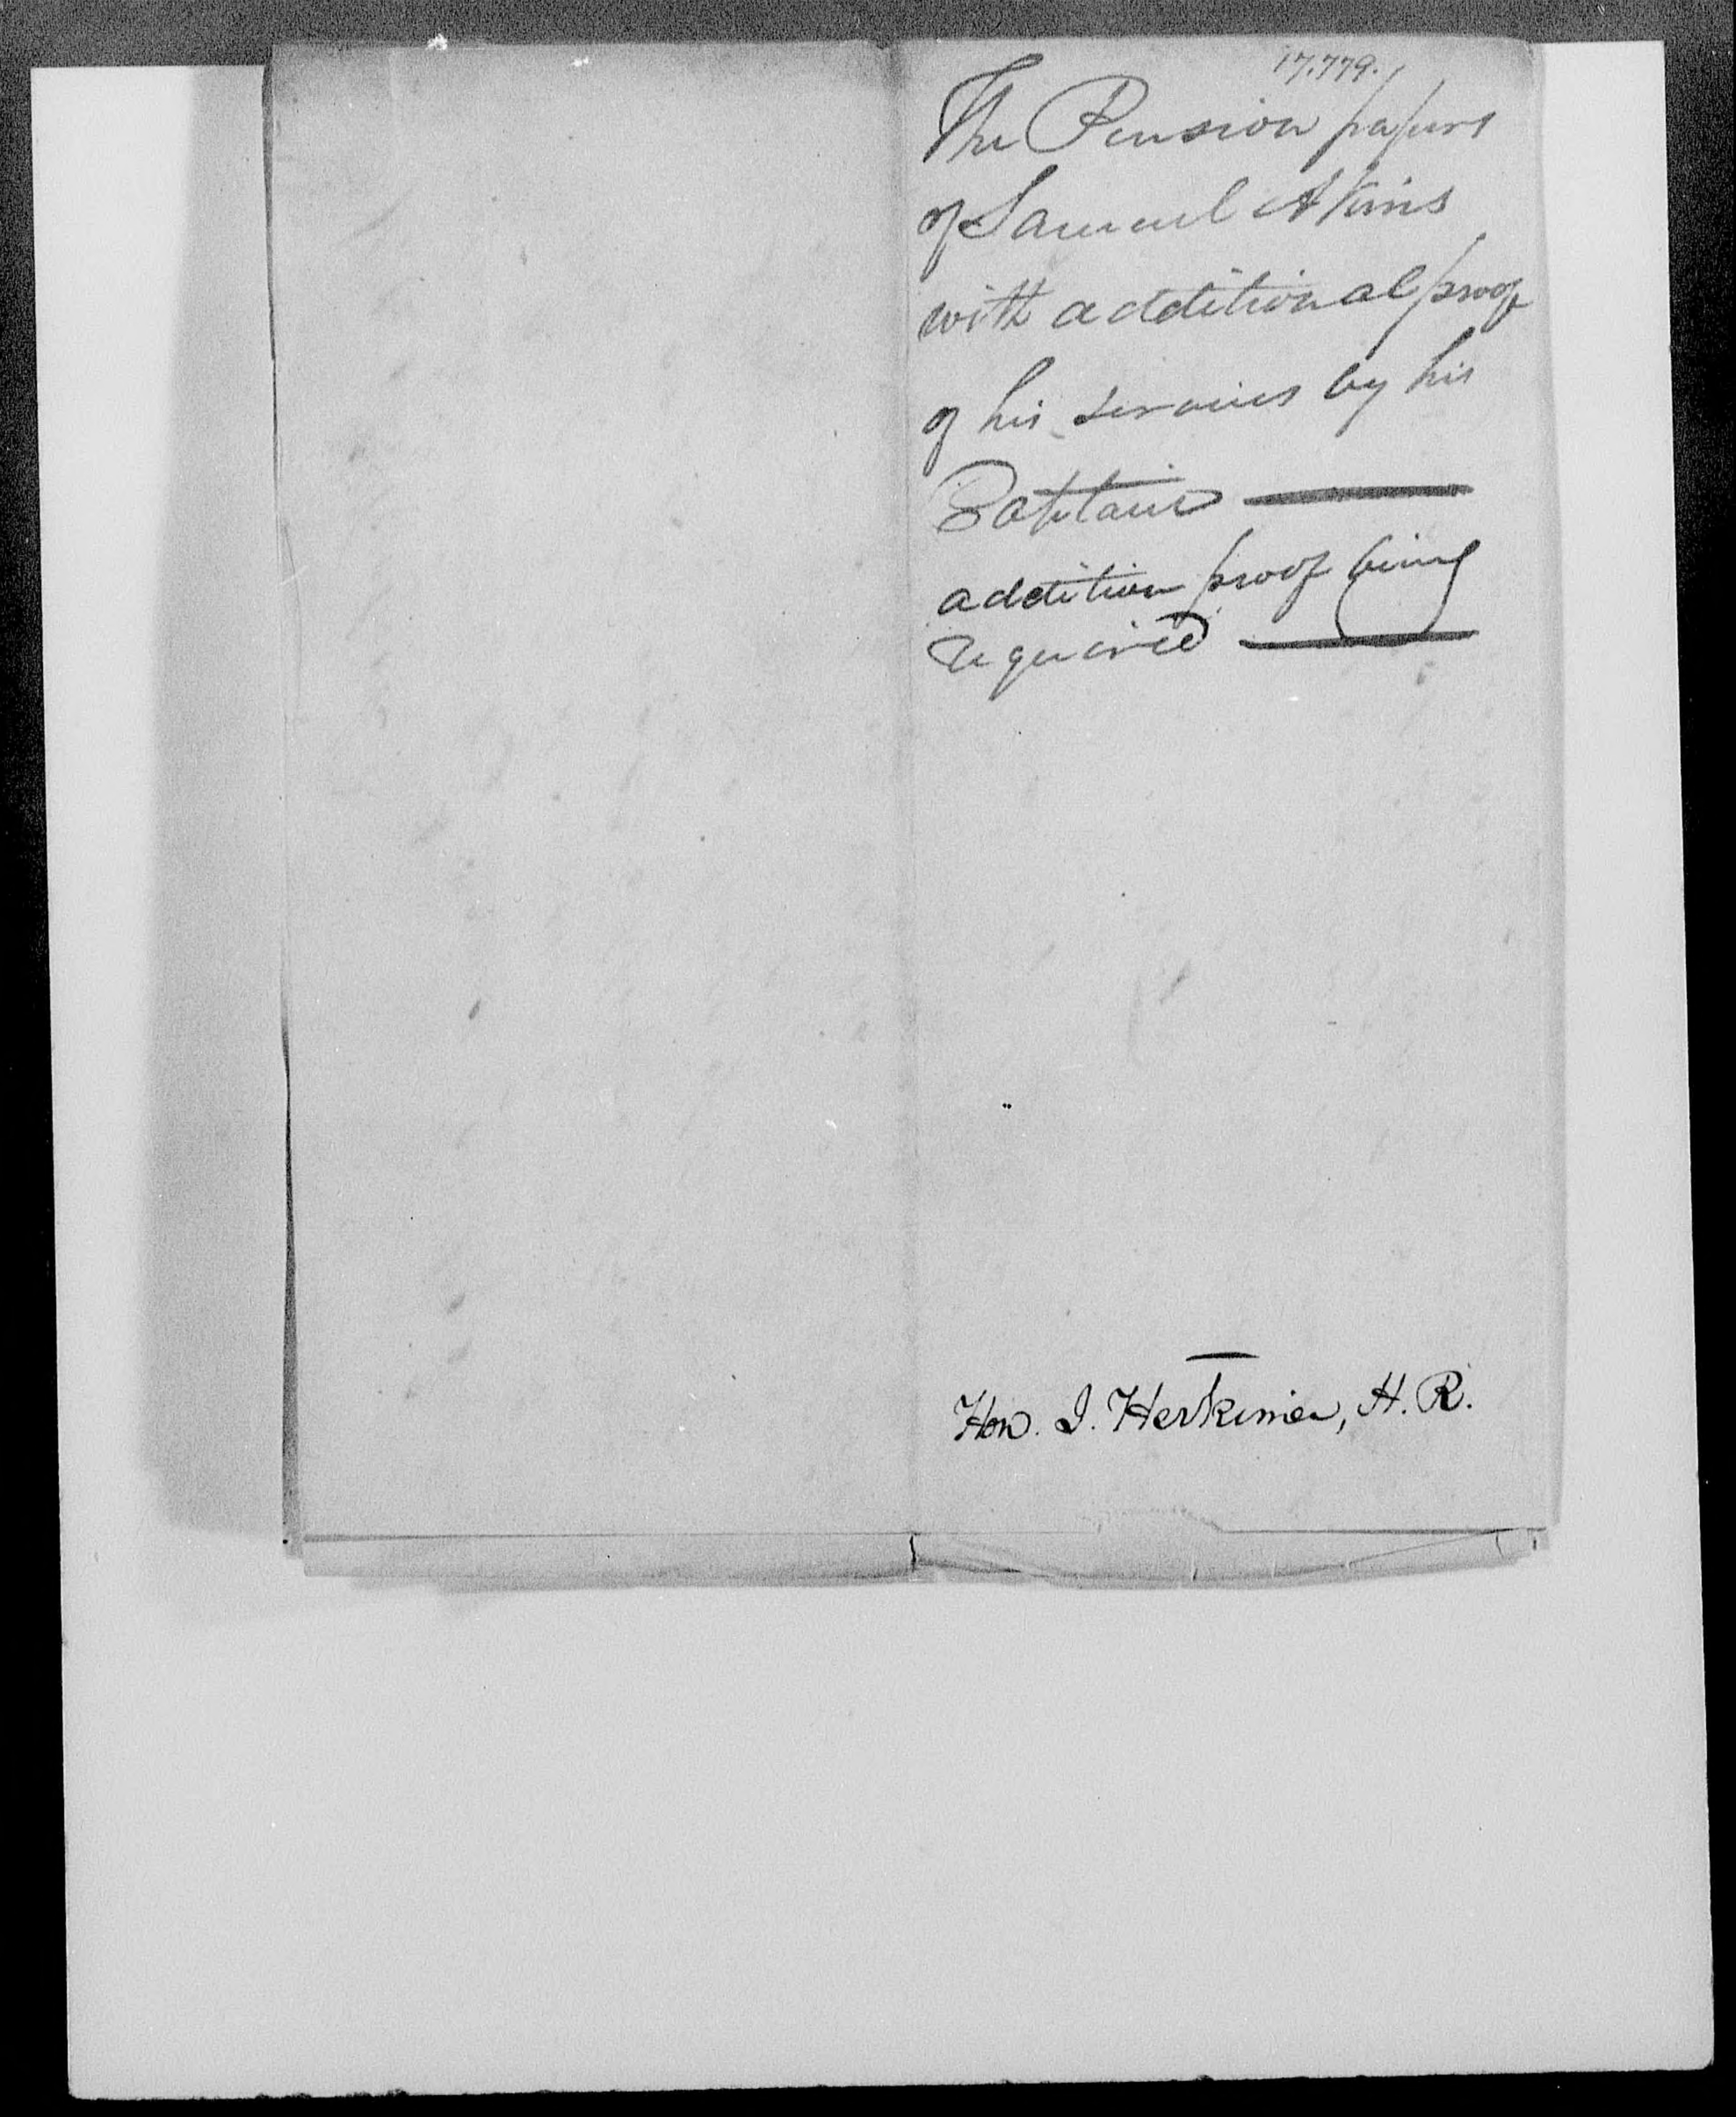[all handwritten]
17.779.
The Pension papers
of Samuel Akins
with additional proof
of his services by his
Captain -
addition proof being
required -
Hon. I. Herkimer, H.R.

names: Samuel Akins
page: 3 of 9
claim: survivor's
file: S. 45181, Samuel Akins, New York